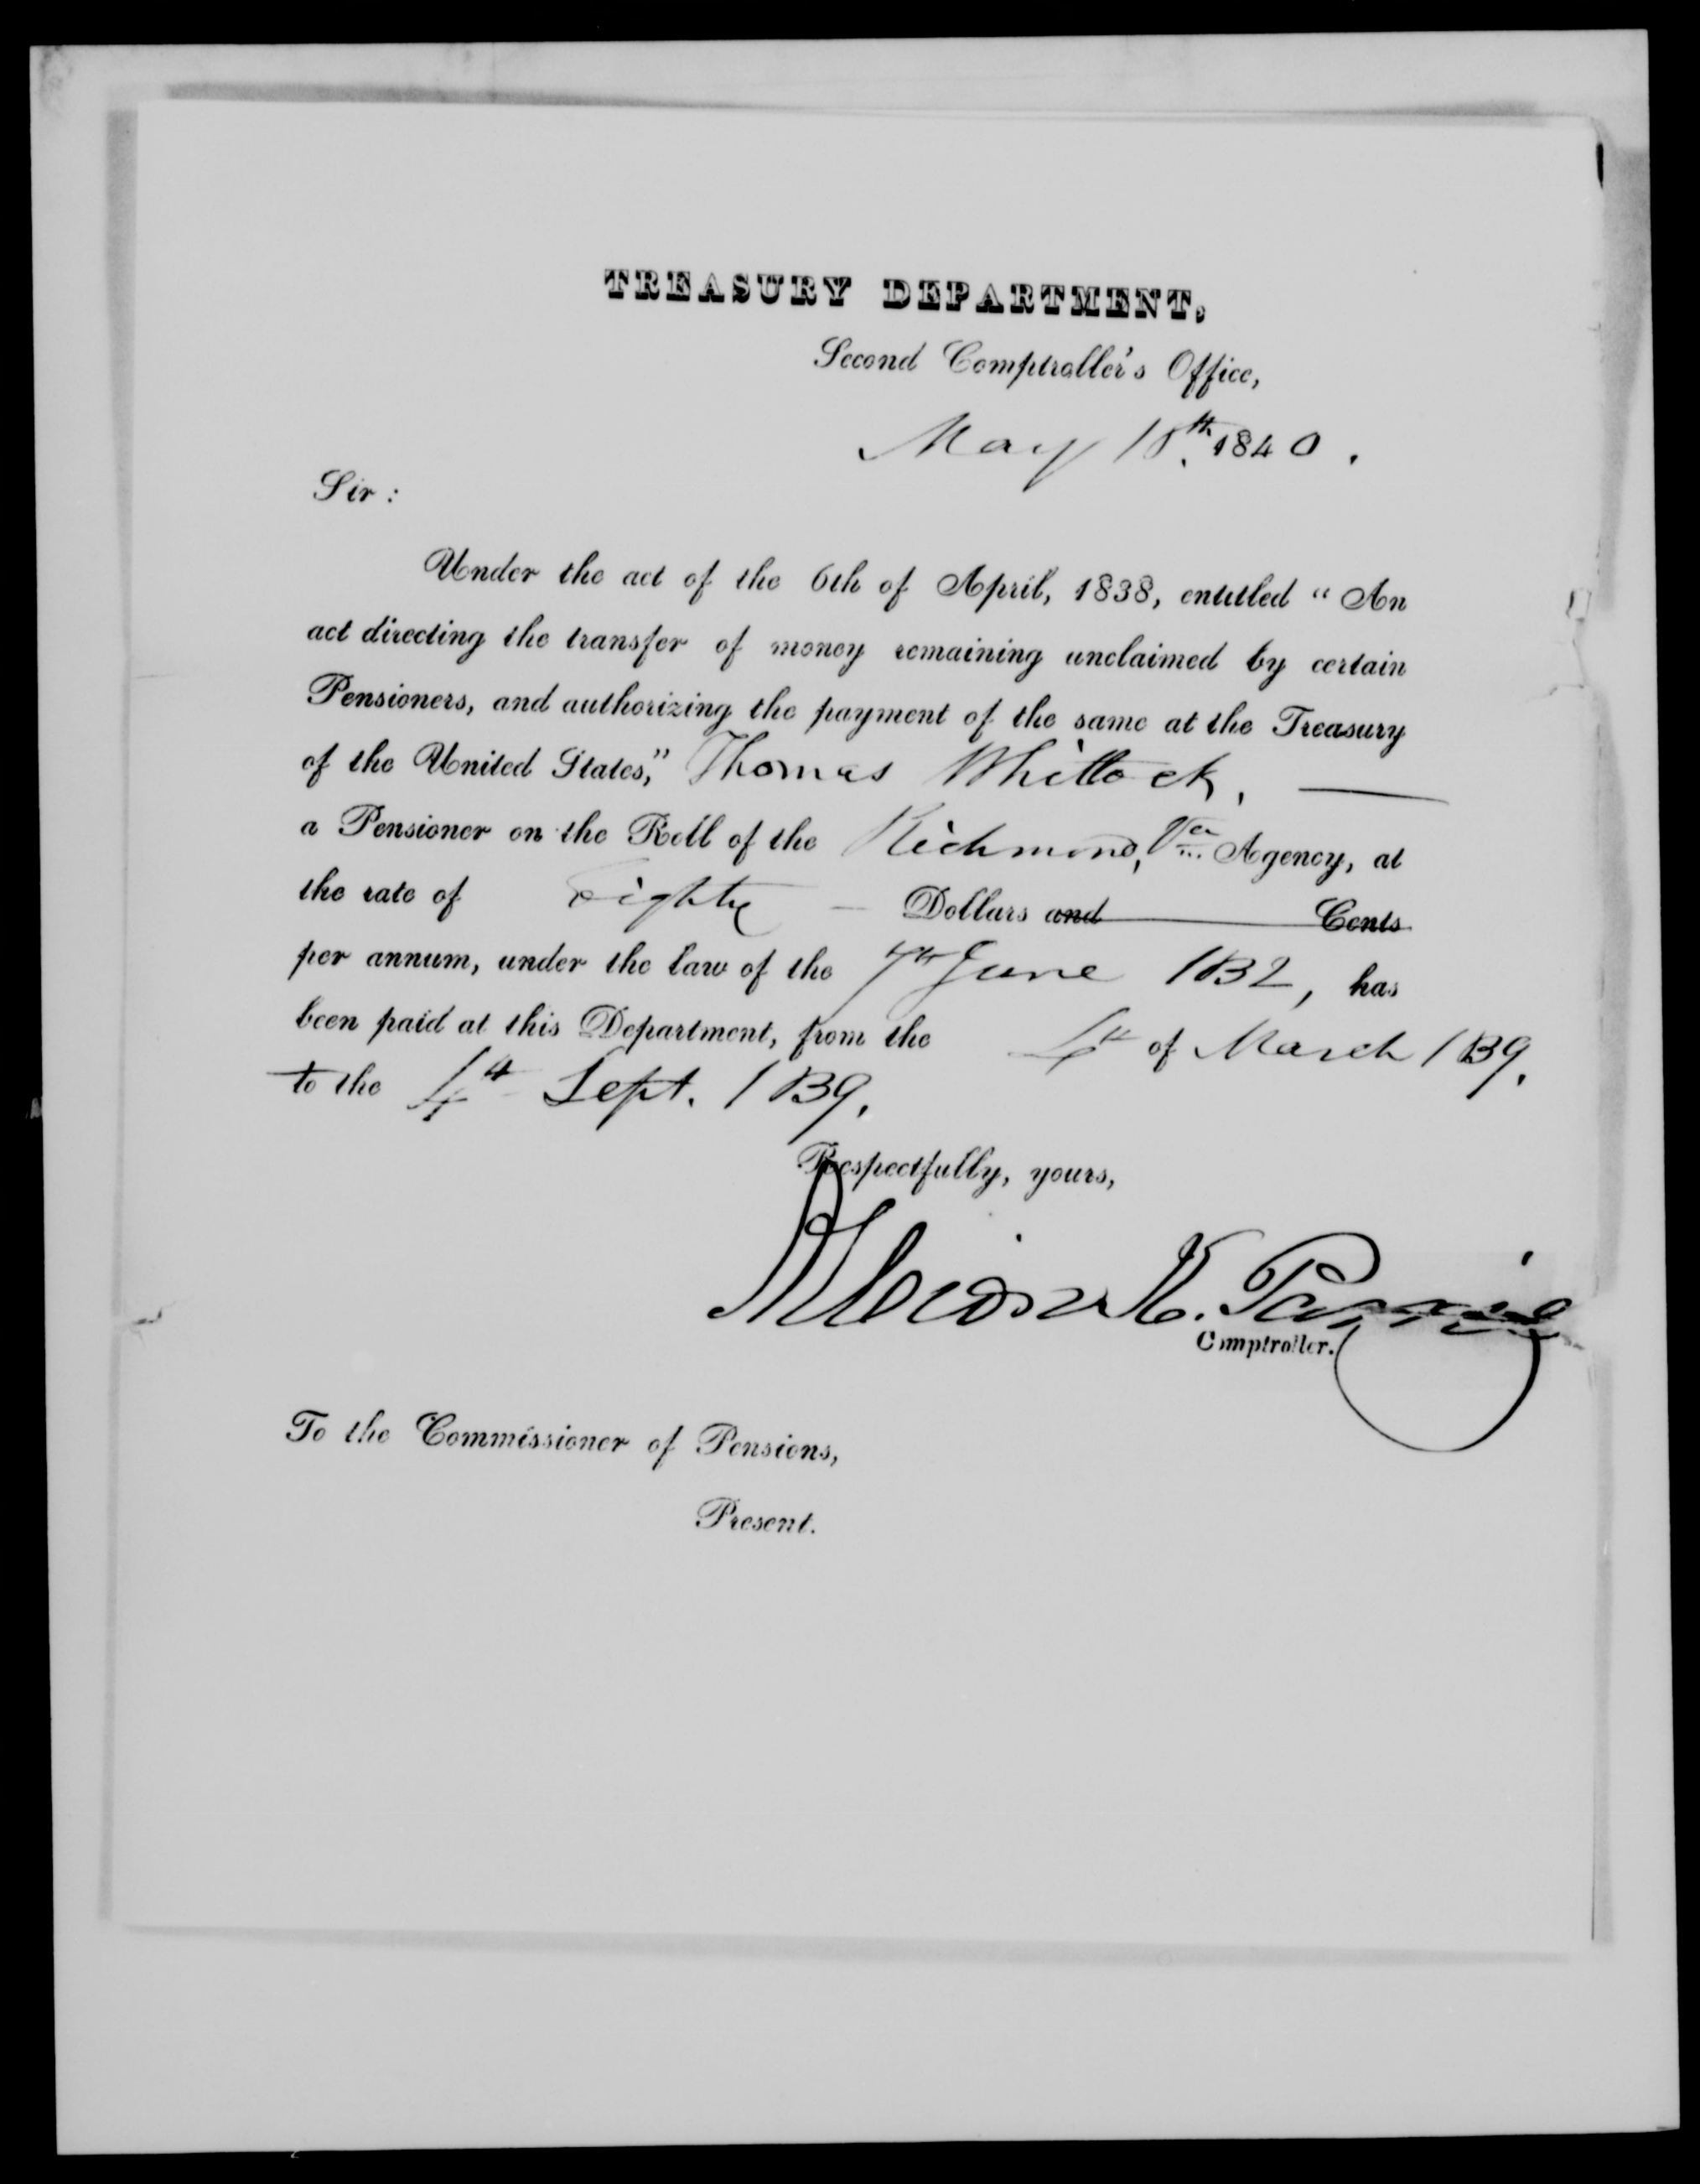TREASURY DEPARTMENT,
Second Comptroller's Office,
May 10th, 1840

Sir:
Under the act of the 6th of April, 1838, entitled "An
act directing the transfer of money remaining unclaimed by certain
Pensioners, and authorizing the payment of the same at the Treasury
of the United States,"  Thomas Whitlock,---
a Pensioner on the Roll of the Richmond, Va Agency, at 
the rate of Eighty--Dollars and ---- Cents
per annum, under the law of the 7th June 1832, has 
been paid at this Department, from the 4th of March 1839,
to the 4th Sept. 1839.
Respectfully, your,
Albion K. Parris
Comptroller

To the Commissioner of Pensions,
Present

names: Albion K Parris, Thomas Whitlock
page: 19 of 32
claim: survivor's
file: S. 16020, Thomas Whitlock, Va.